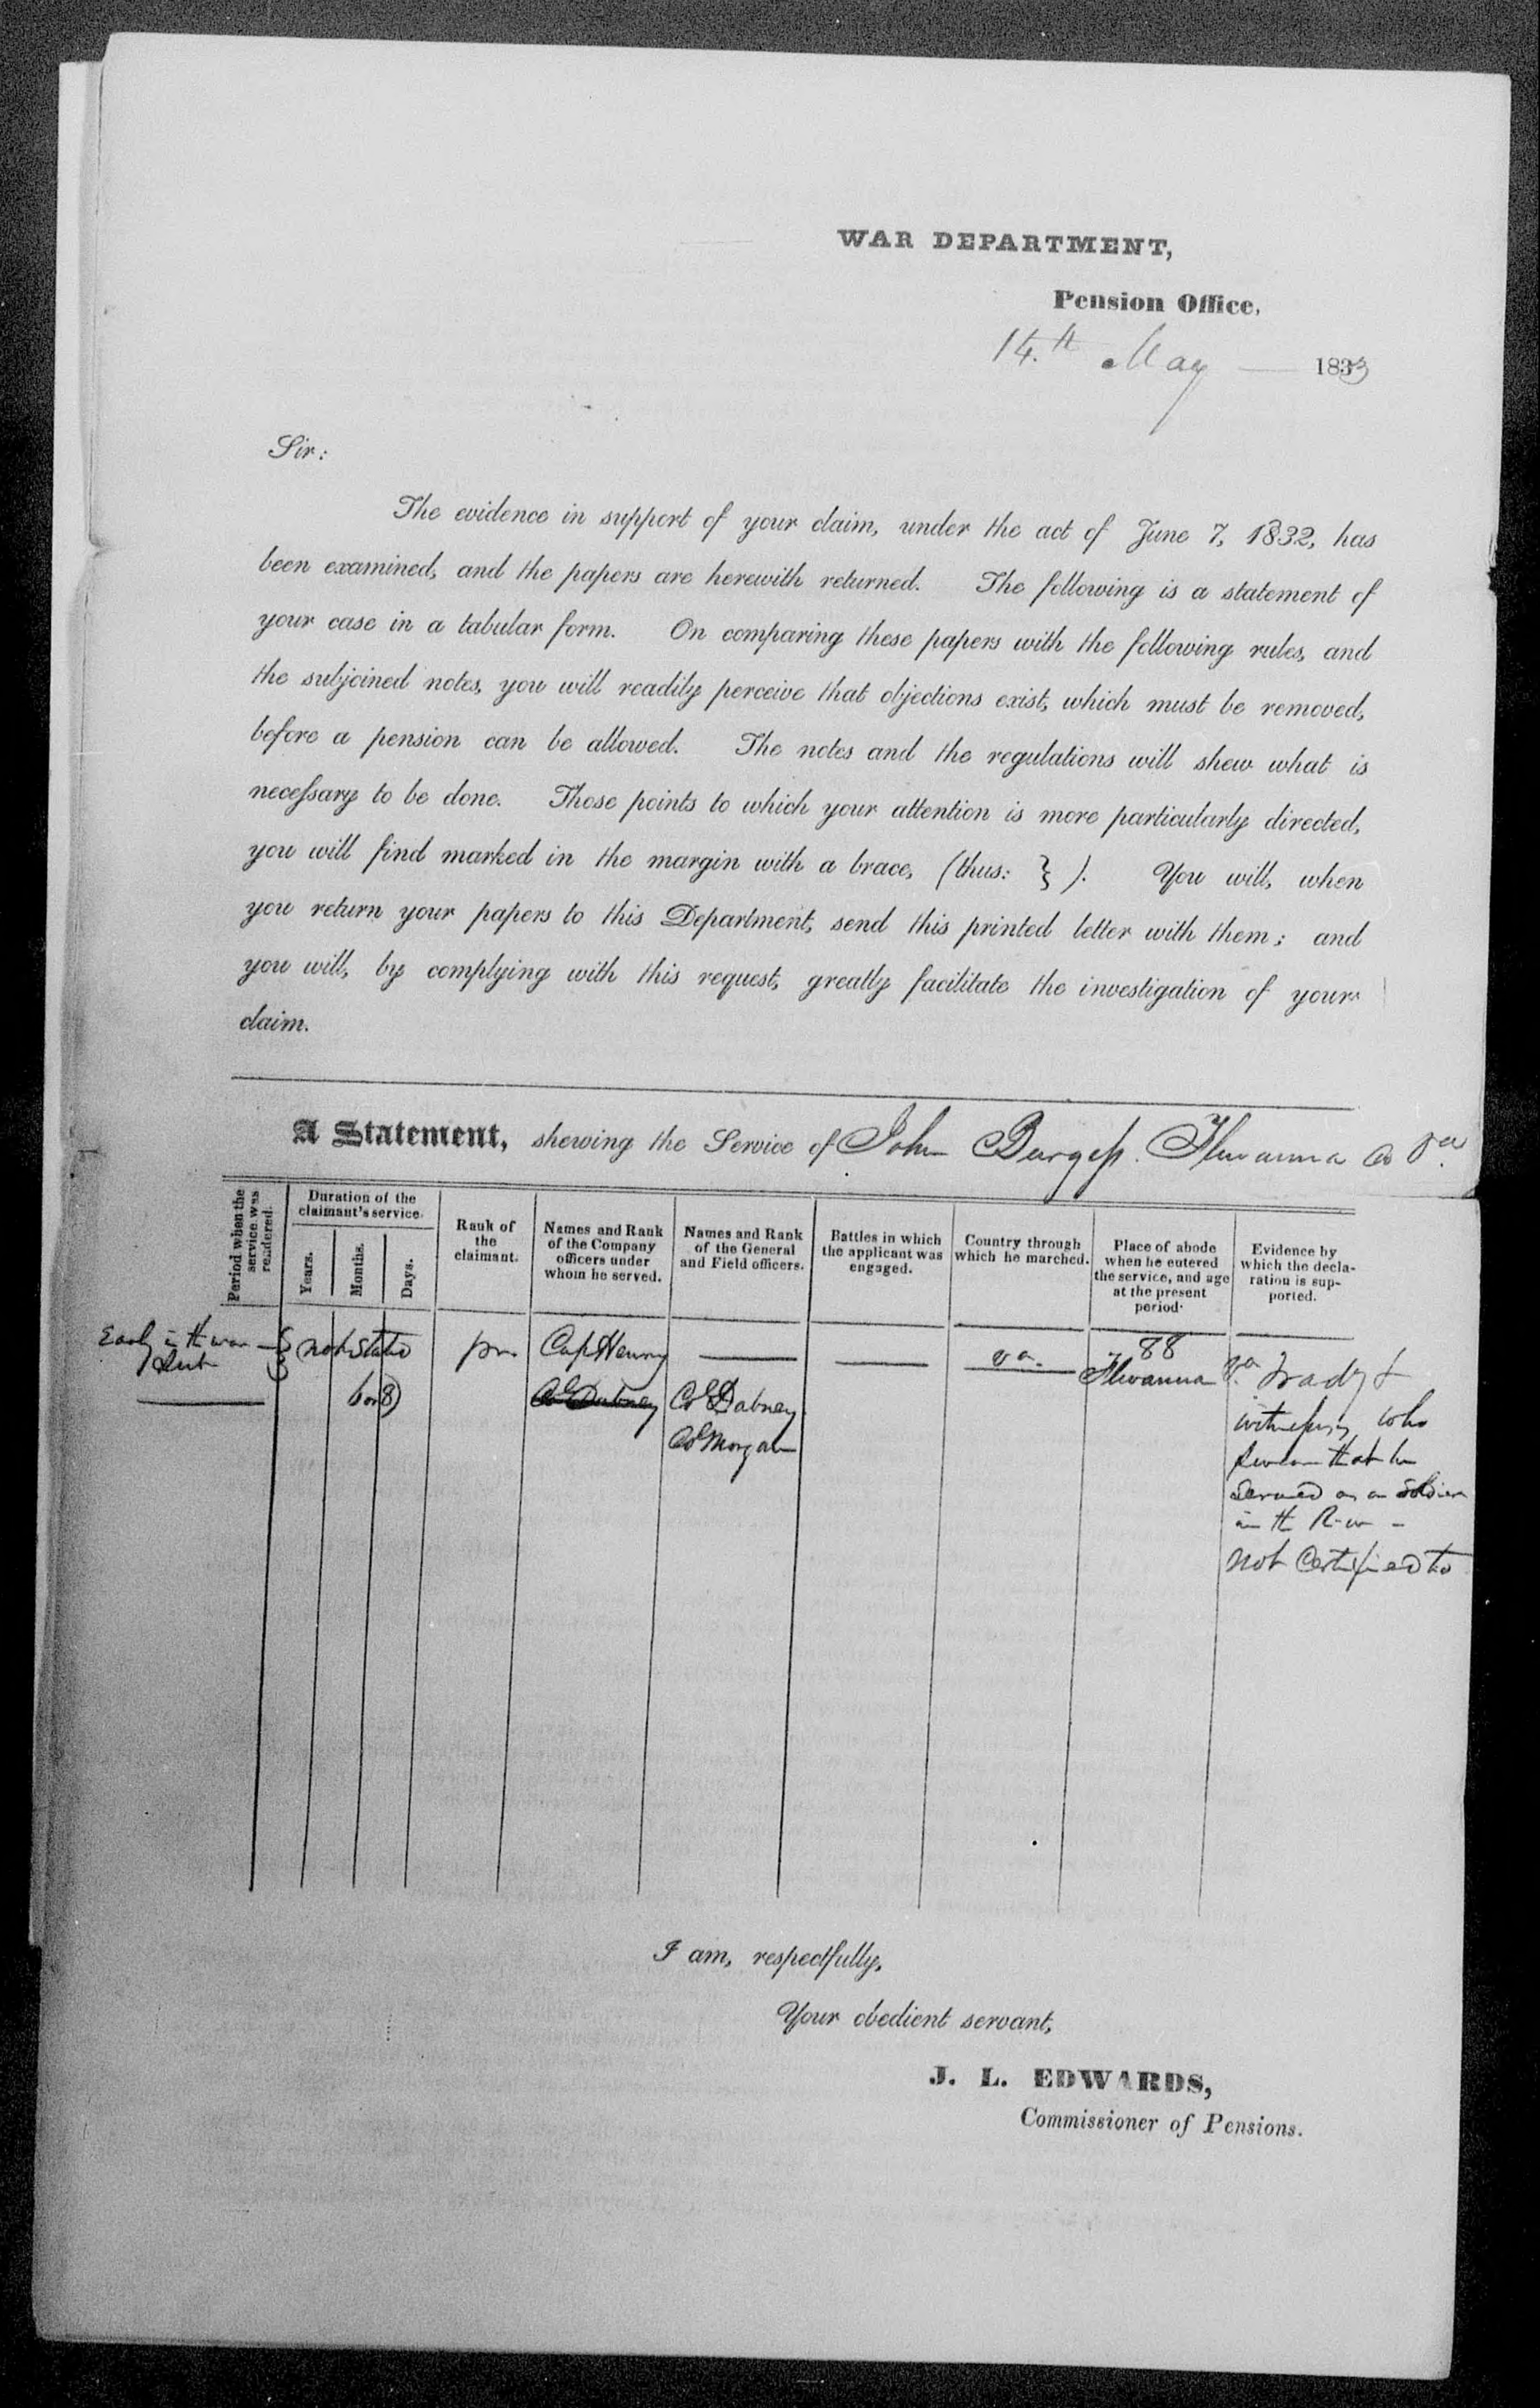WAR DEPARTMENT
Pension Office
14th May 1833
Sir:
The evidence in support of your claim, under the act of June 7, 1832, has been examined and the papers are herewith returned.  The following is a statement of your case in a tabular form.  On comparing these papers with the following rules, and the subjoined notes, you will readily perceive that objections exist, which must be removed, before a pension can be allowed.  The notes and the regulations will shew what is necessary to be done.  Those points to which your attention is more particularly directed, you will find marked in the margin with a brace, (thus: } ),  You will, when you return your papers to this Department, send this printed letter with them; and you will, by complying with this request, greatly facilitate the investigation of your claim.

A Statement showing the service of John Burgess, Fluvanna Co. Va
Period when the service was rendered
 Early in the war 
Year Month Day not stated 6 or 8
Rank of the claimant   pr.
Names and Rank of the Company officers under which he served
Cap Henry
Names and Rank of the General and Field officers.
Col Dabney
Col Morgan
Battles in which the applicant was engaged. [Blank]
Country through which he marched.
Va
Place of abode when he entered the service and age at the present.
88   Fluvanna Va
Evidence by which the declaration is supported.
[trady? ] & witnesses who swear that he served as a soldier in the Rev. - not certified to
I am, respectfully, Your obedient servant
J.L. Edwards,
Commissioner of Pension.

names: Morgan, John Burgess, J L Edwards, Dabney, Henry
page: 6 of 16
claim: survivor's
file: S. 8113, John Burgess, Va.